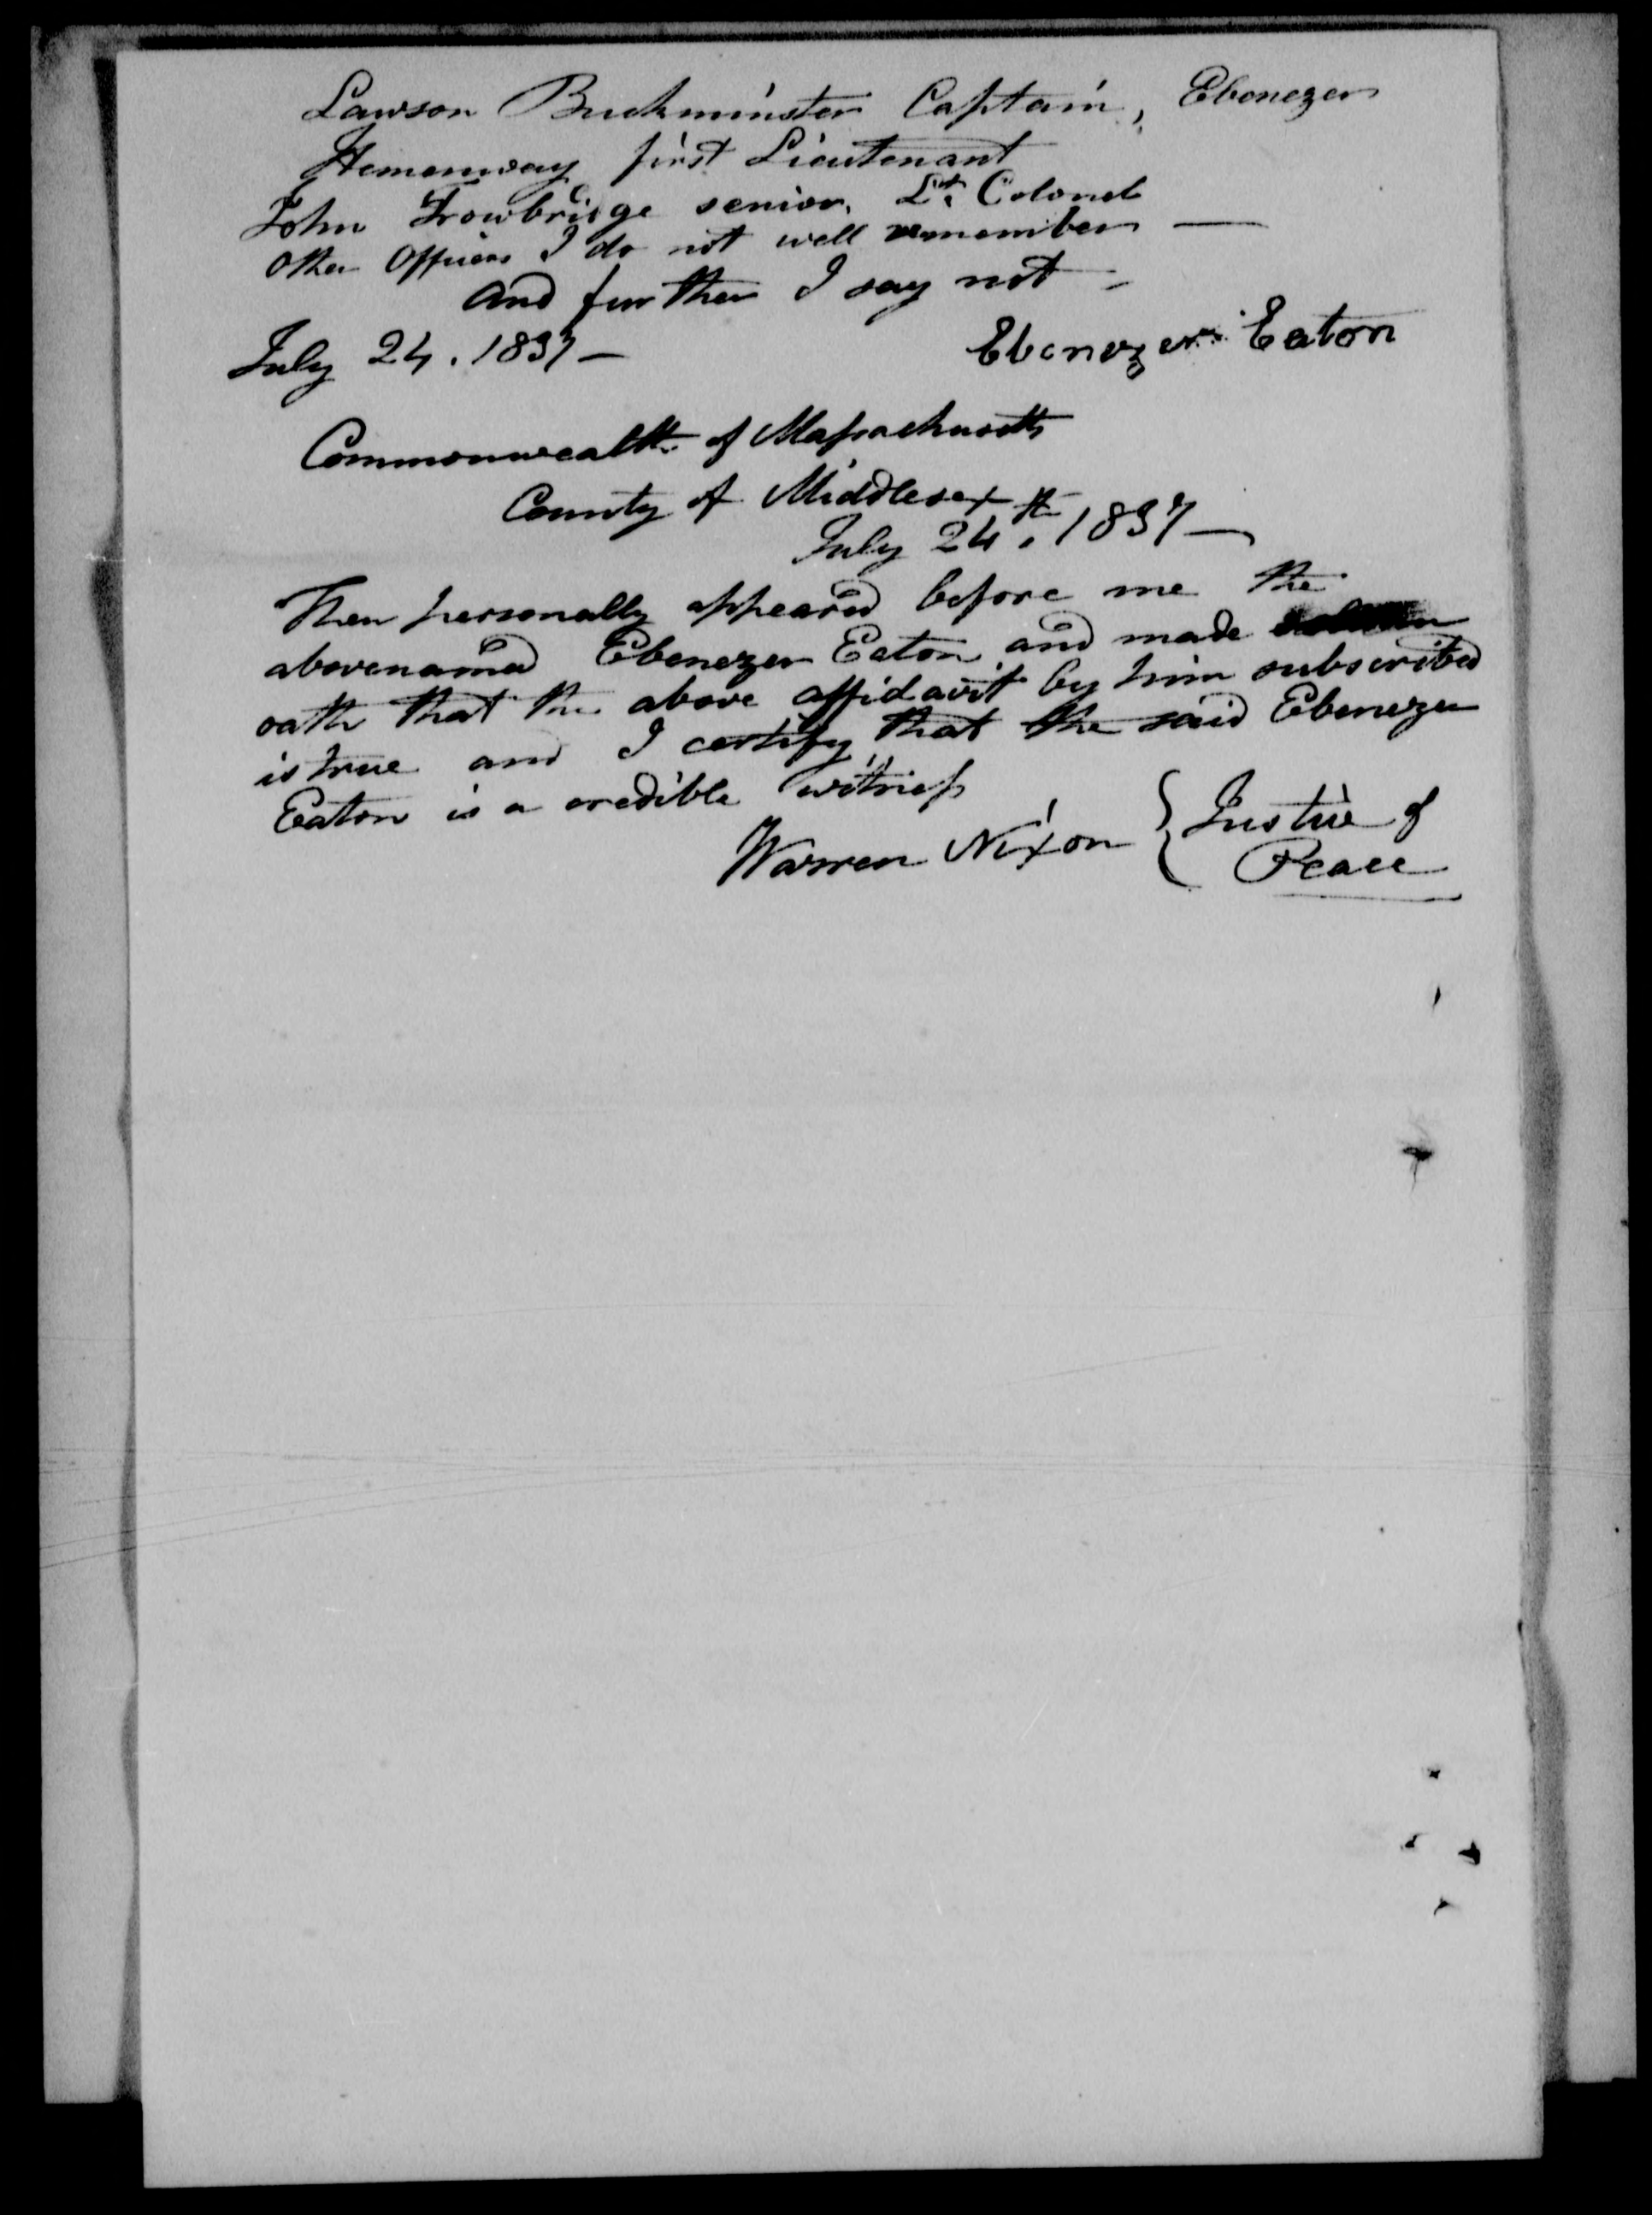Lawson Buckminster Captain,
Ebenezer Hemenway first Lieutenant
John Trowbridge Senior, Lt Colonel
other officers I do not well remember
and further I say not
July 24. 1837-
Ebenezer Eaton
Commonwealth of Massachusetts
County of Middlesex
July 24, 1837
Here personally appeared before me the
abovenamed
Ebenezer Eaton and made
oath that the above affidavit by him subscribed
is true and I certify that the said Ebenezer
Eaton is a credible witness
Warren Nixon
Justice of
Peace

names: Warren Nixon, Ebenezer Hememway, Ebenezer Eaton, Ebenezer Eaton, John Trowbridge, Ebenezer Eaton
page: 9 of 34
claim: widow's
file: W. 15439, John Trowbridge, Mass.